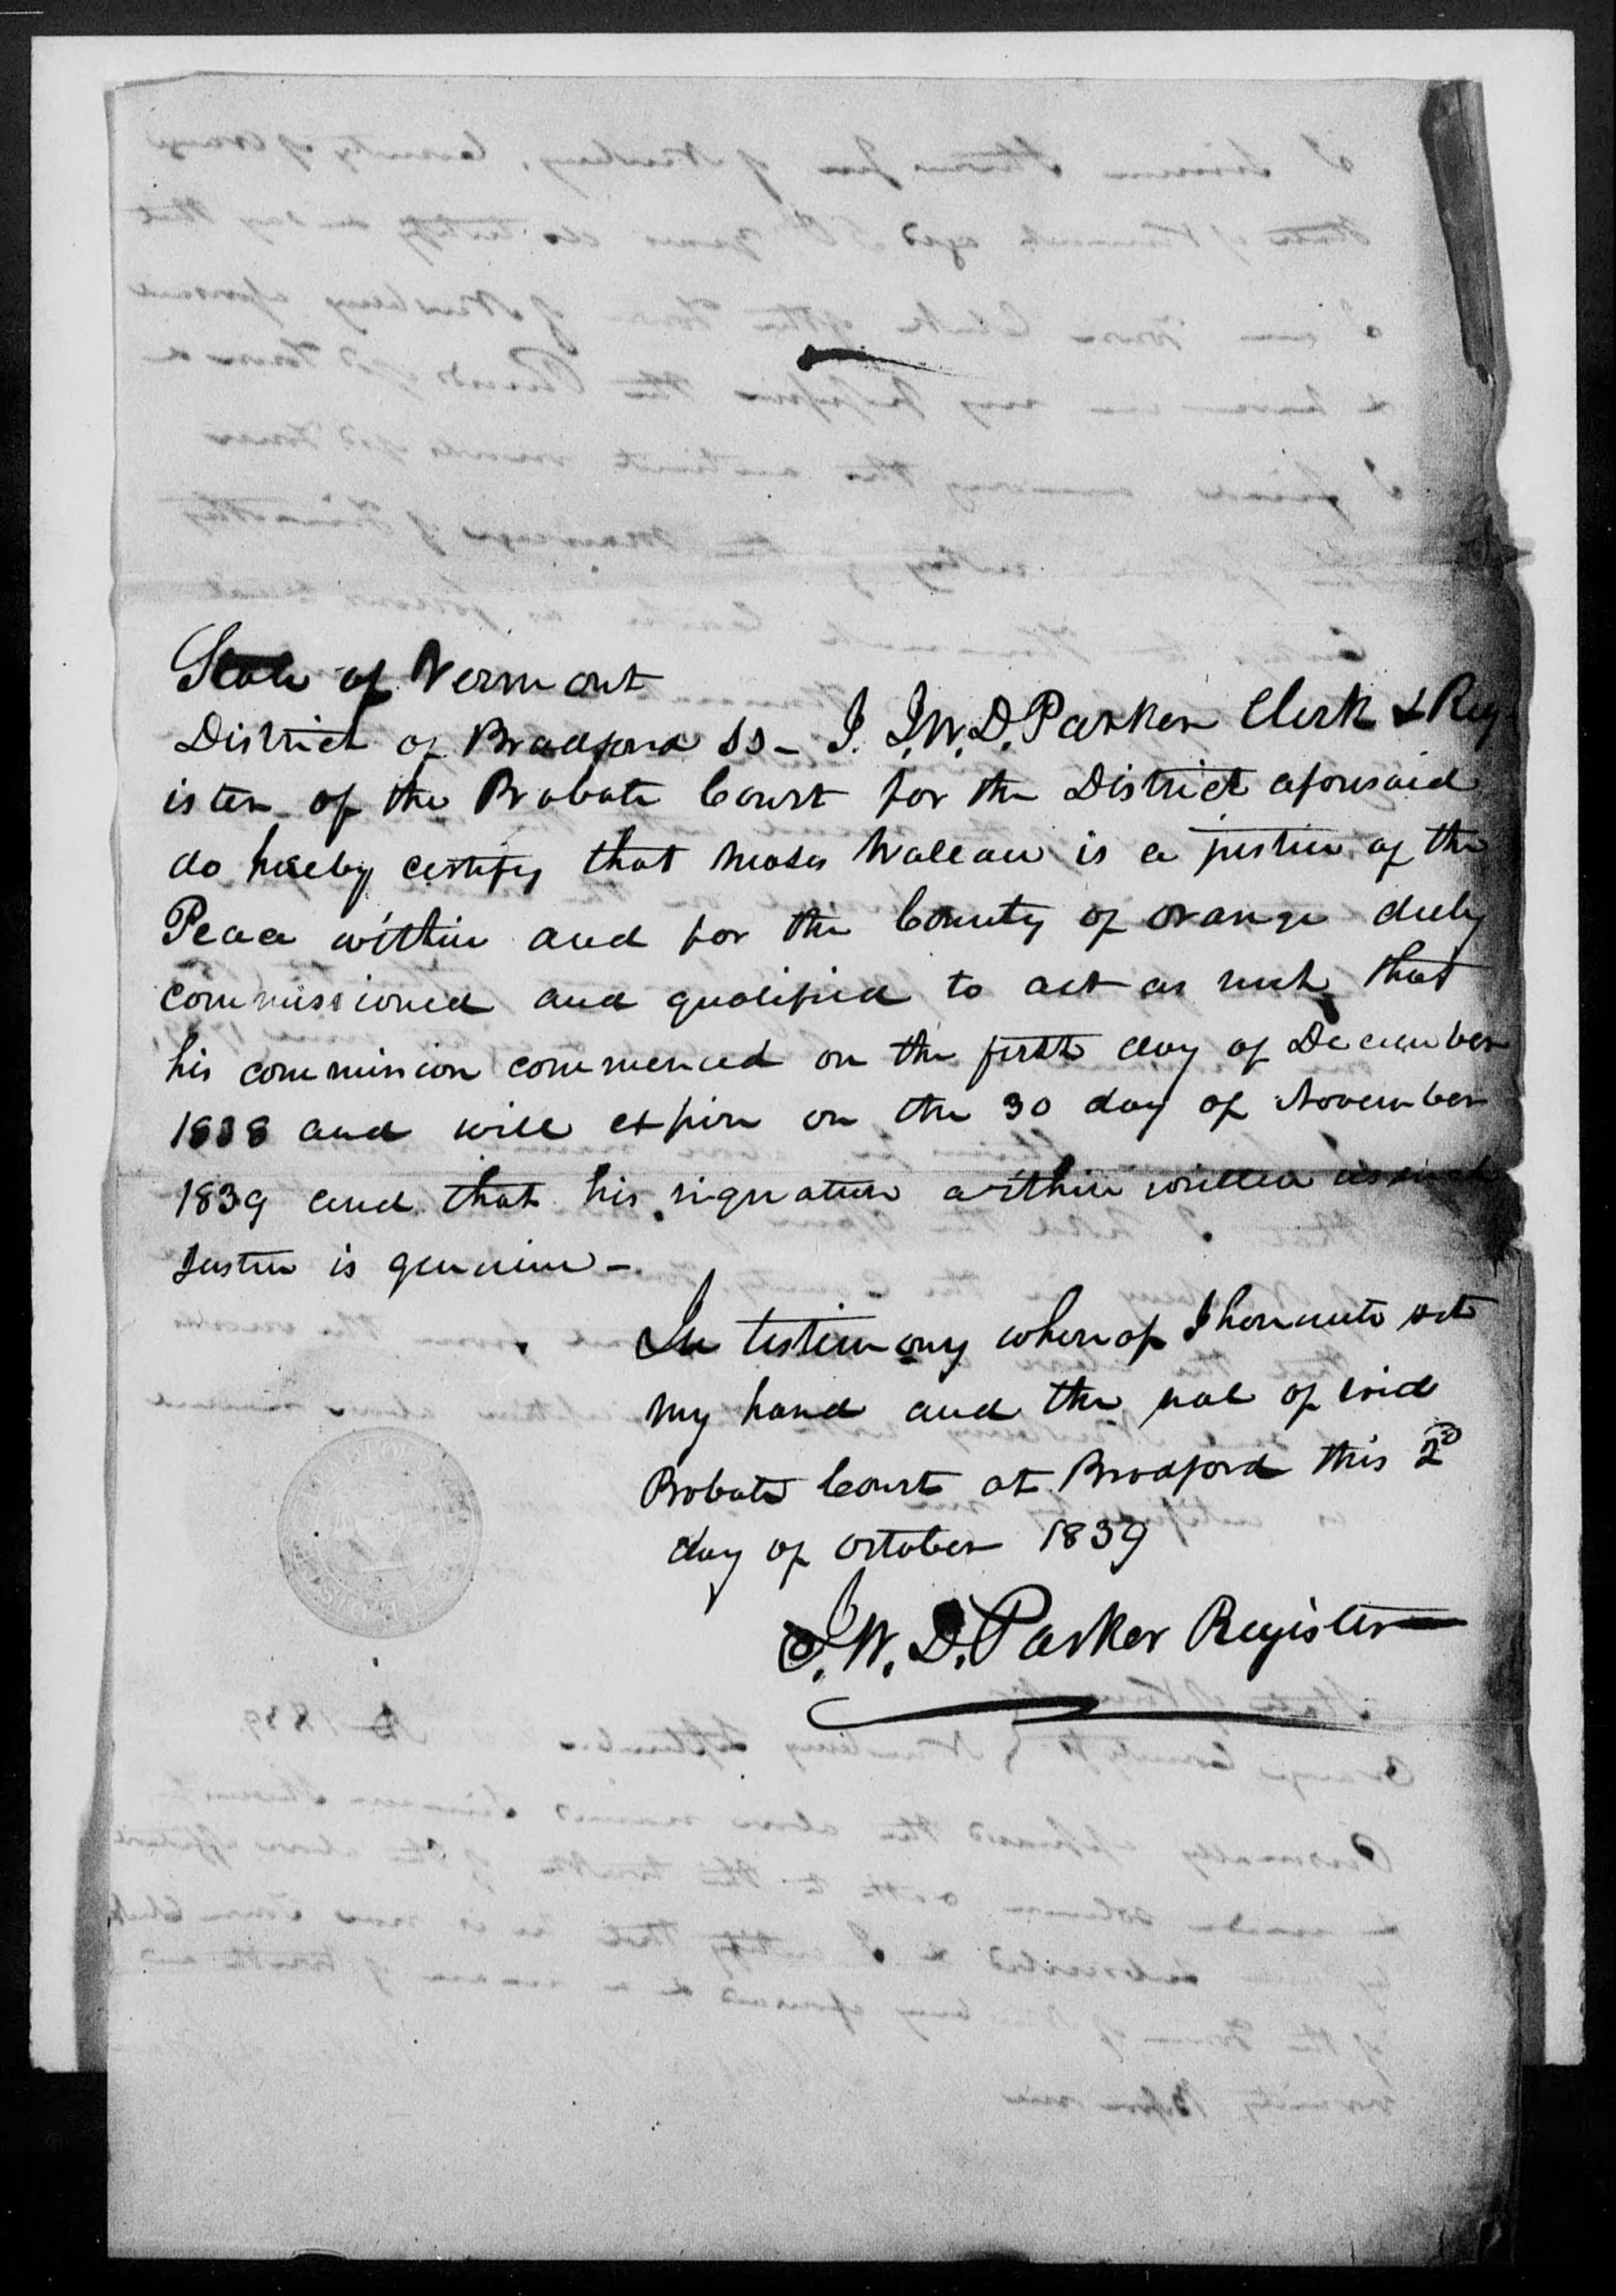State of Vermont
District of Bradford SS. I, J. W. D. Parker Clerk and Register of the Probate Court for the District aforesaid
do hereby certify that Moses Wallace is a justice of the
Peace within and for the County of Orange duly
commissioned and qualified to act as such. that
his commision commenced on the first day of December
1838 and will expire on the 30 day of November
1839 and that his signature within written as a 
Justice is genuine-
In testimony whereof I hereunto set
my hand and the seal of said
Probate Court at Bradford this 2nd
day of October 1839
W. D. Parker Register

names: J W D Parker, J W D Parker, Moses Wallan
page: 34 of 34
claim: widow's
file: W. 20,896, Timothy Corless, Continental Mass